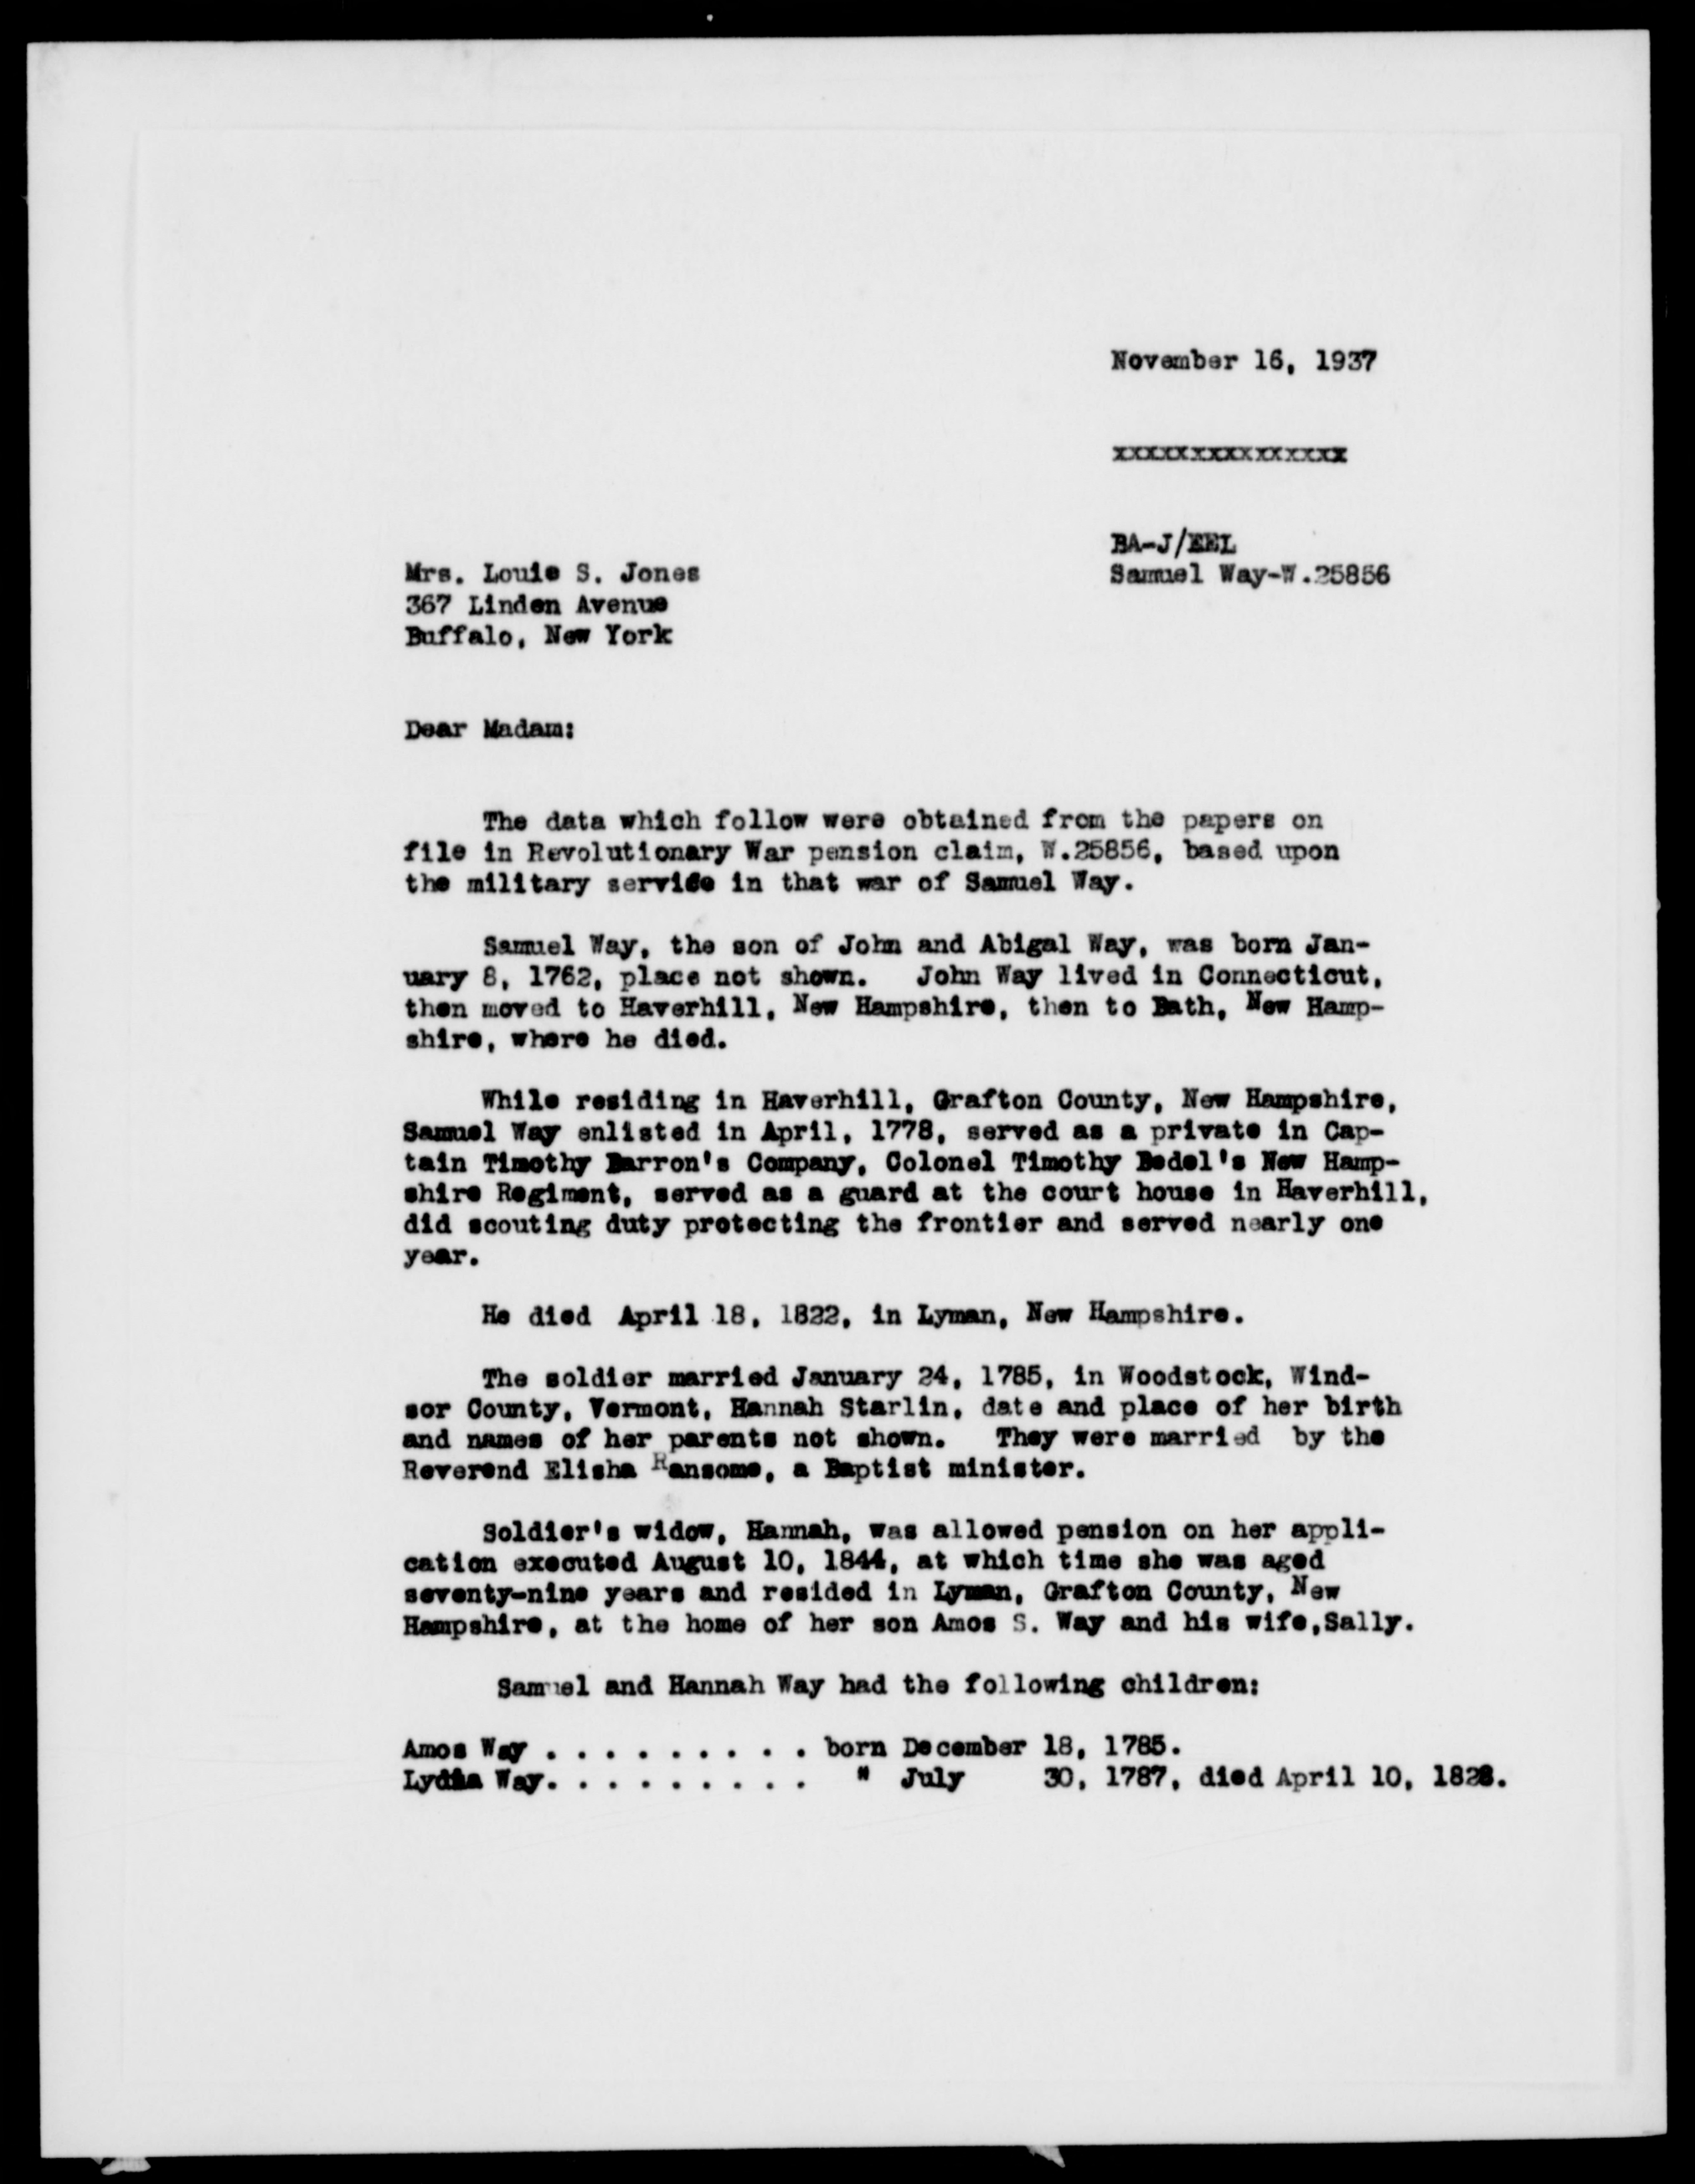November 16, 1937 
XXXXXXXXXXXXXXX
Mrs. Louie S. Jones 
367 Linden Avenue 
Buffalo, New York 
 BA-J/EEL Samuel Way-W.25856 

Dear Madam:
The data which follow were obtained from the papers on file in Revolutionary War pension claim, W. 25856, based upon the military service in that war of Samuel Way. 

Samuel Way, the son of John and Abigal Way, was born January 8, 1762, place not shown. John Way lived in Connecticut, then moved to Haverhill, New Hampshire, then to Bath, New Hampshire, where he died. 

While residing in Haverhill, Grafton County, New Hampshire, Samuel Way enlisted in April, 1778, served as a private in Captain Timothy Barron's Company, Colonel Timothy Bedel's New Hampshire Regiment, served as a guard at the court house in Haverhill, did scouting duty protecting the frontier and served nearly one year. 

He died April 18, 1822, in Lyman, New Hampshire. 

The soldier married January 24, 1785, in Woodstock, Windsor County, Vermont, Hannah Starlin, date and place of her birth and names of her parents not shown. They were married by the Reverend Elisha Ransome, a Baptist minister. 

Soldier's widow, Hannah, was allowed pension on her application executed August 10, 1844, at which time she was aged seventy-nine years and resided in Lyman, Grafton County, New Hampshire, at the home of her son Amos S. Way and his wife, Sally. 

Samuel and Hannah Way had the following children: 
Amos Way, born December 18, 1785. 
Lydia Way.     "     July 30, 1787, died April 10, 1828.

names: Amos Way, Hannah Way, Samuel Way, John Way, Lydia Way, Sally, Elisha Ransome, Abigal Way, Amos S Way, Hannah Starlin, Louie S Jones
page: 19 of 78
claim: widow's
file: W. 25856, Samuel Way, N.H.